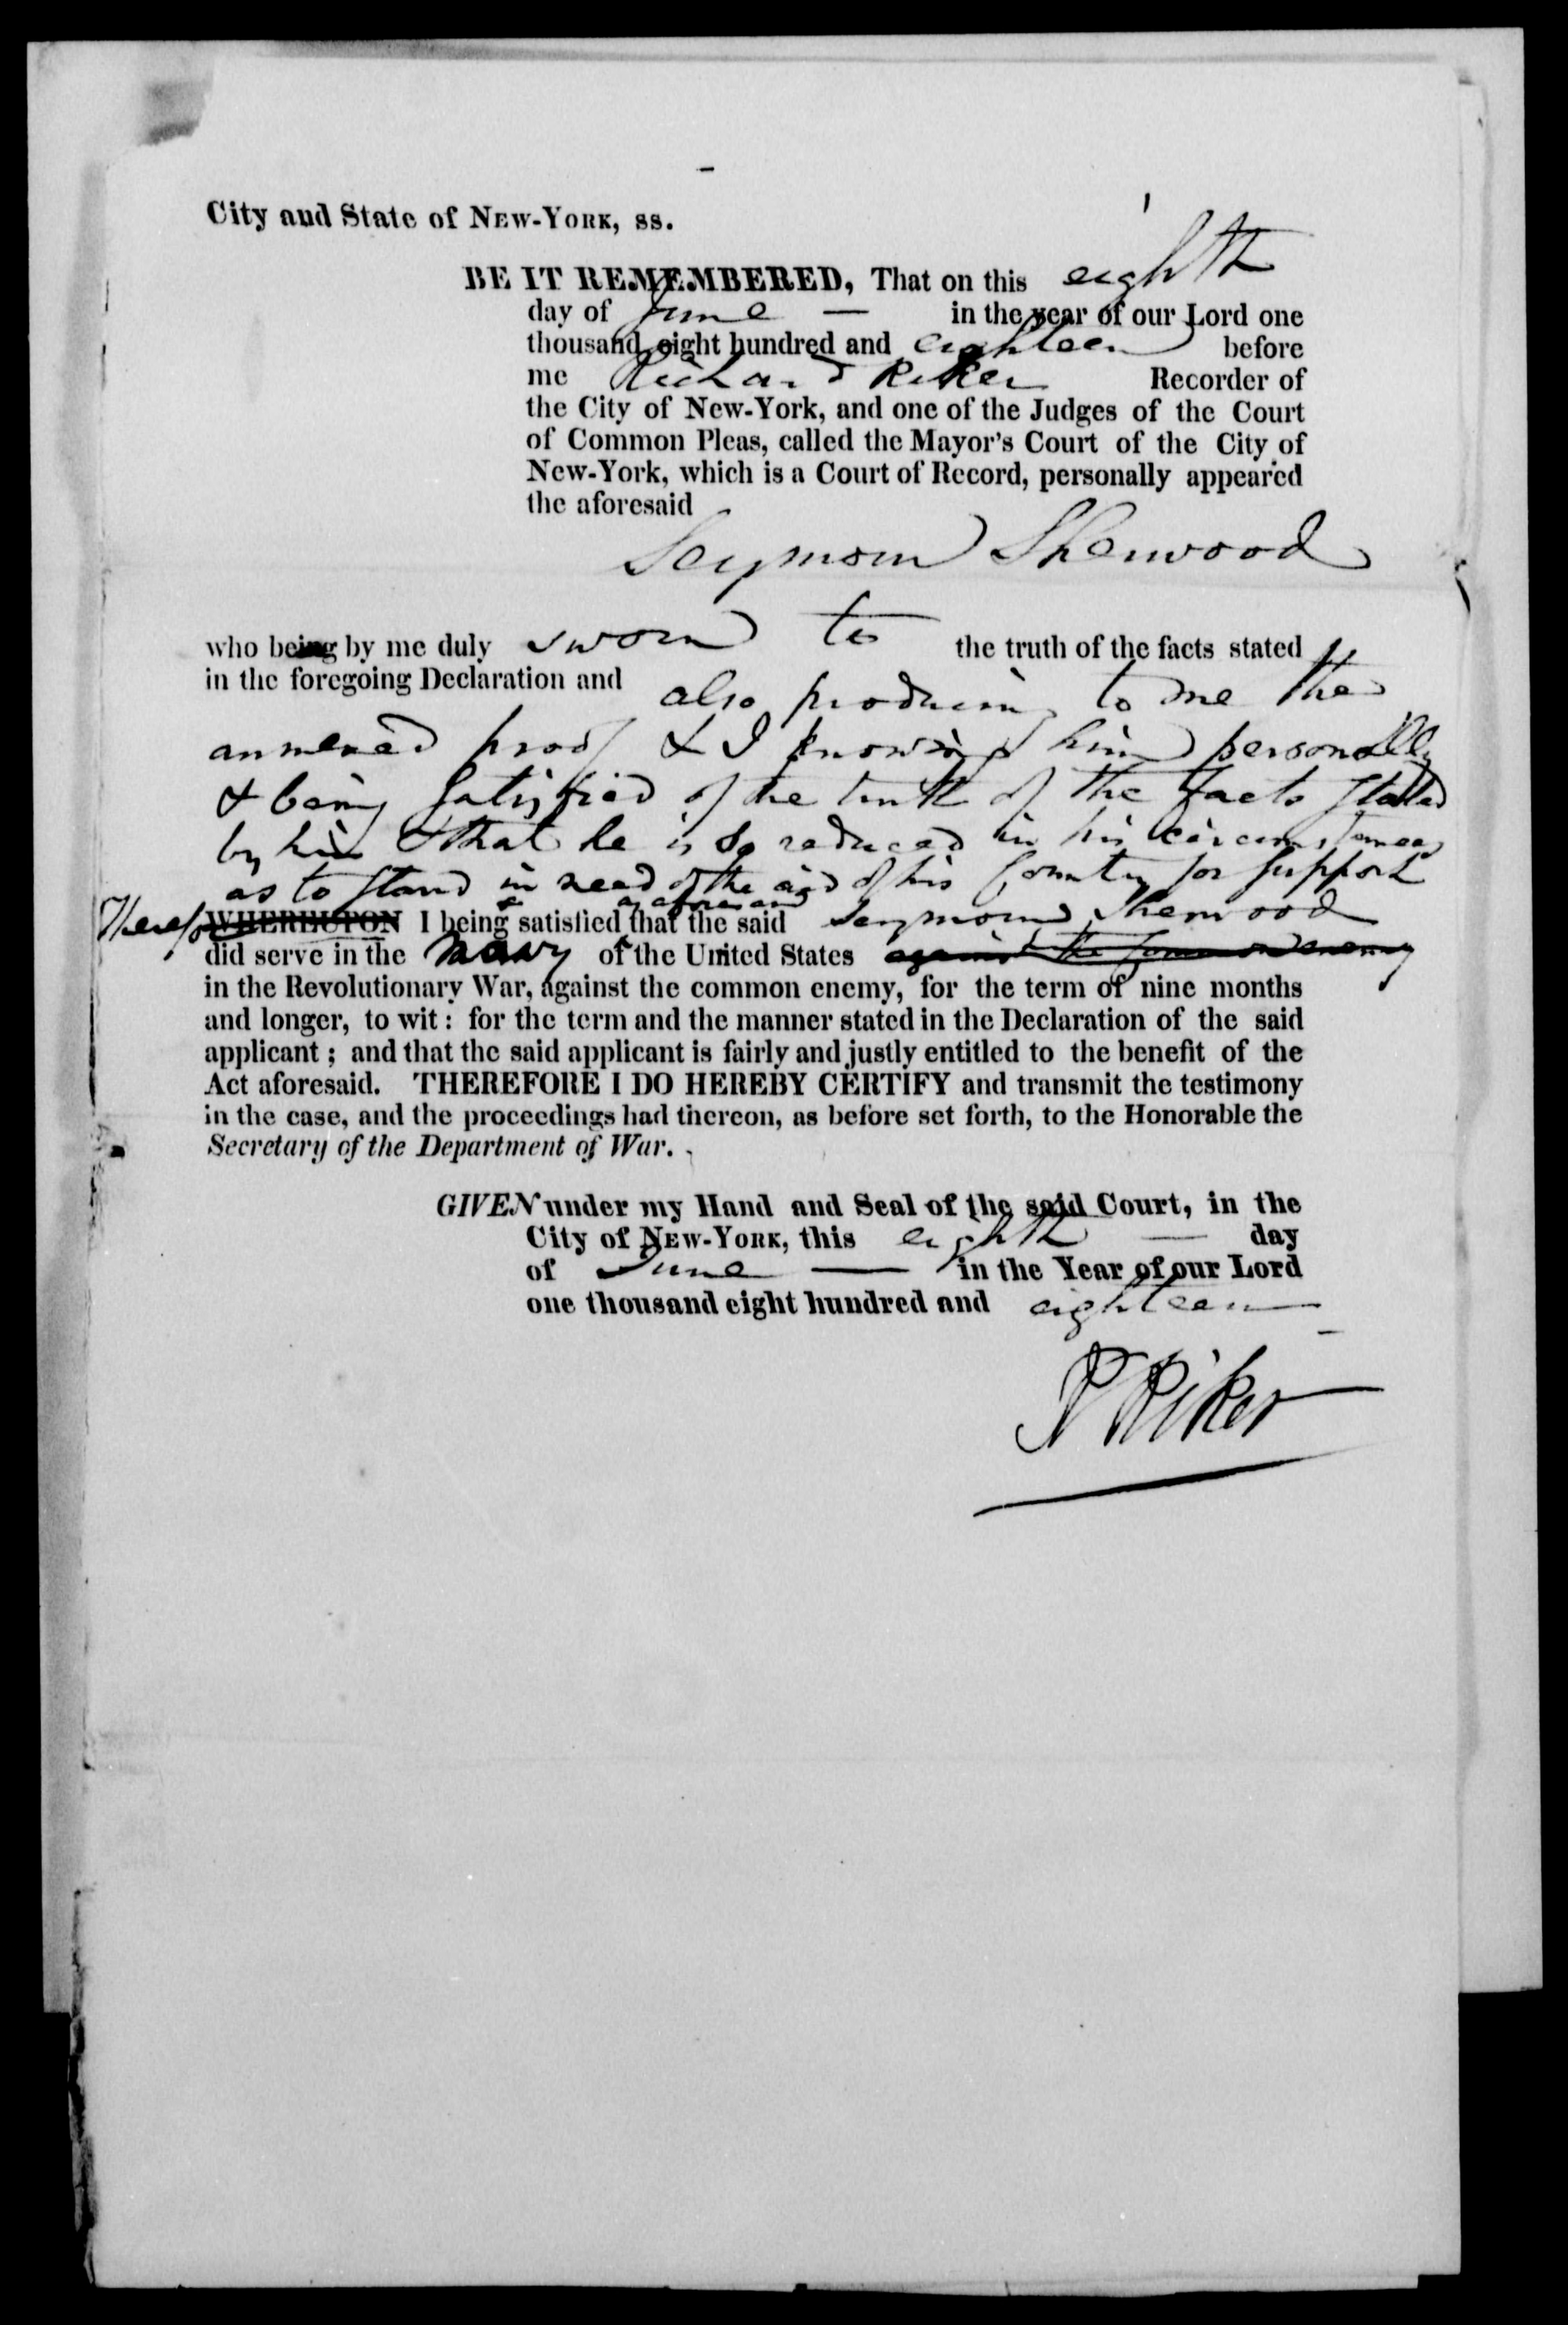City and State of New-York, ss.

BE IT REMEMBERED, That on this eighth day of June, In the year of our Lord one thousand eight hundred and eighteen before me Richard Piker Recorder of the City of New-York, and one of the Judges of the Court of Common Pleas, called the Mayor's Court of the City of New-York, which is a Court of Record, personally appeared the aforesaid
Seymour Sherwood
who being by me duly sworn to the truth of the facts stated in the foregoing Declaration and also producing to me the annexed proof and I knowing him personally and being satisfied of the truth of the facts stated by him and that he is so reduced in circumstances as to stand in need of the aid of his country for support 
Thereof I being satisfied that the said Seymour Sherwood did serve in the Navy of the United States in the Revolutionary War, against the common enemy, for the term of nine months and longer, to wit:  for the term and the manner stated in the Declaration of the said applicant; and that the said applicant is fairly and justly entitled to the benefit of the Act aforesaid. THEREFORE I DO HEREBY CERTIFY and transmit the testimony in the case, and the proceedings had thereon, as before set forth, to the Honorable the Secretary of the Department of War.

GIVEN under my Hand and Seal of the said Court, in the City of New-York, this eighth day of June In the Year of our Lord one thousand eight hundred and eighteen

R.Piker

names: R Riker; Seymour Sherwood; Seymour Sherwood; Richard Riker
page: 11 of 30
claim: survivor's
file: S. 42289, for Seymore Sherwood, Connecticut